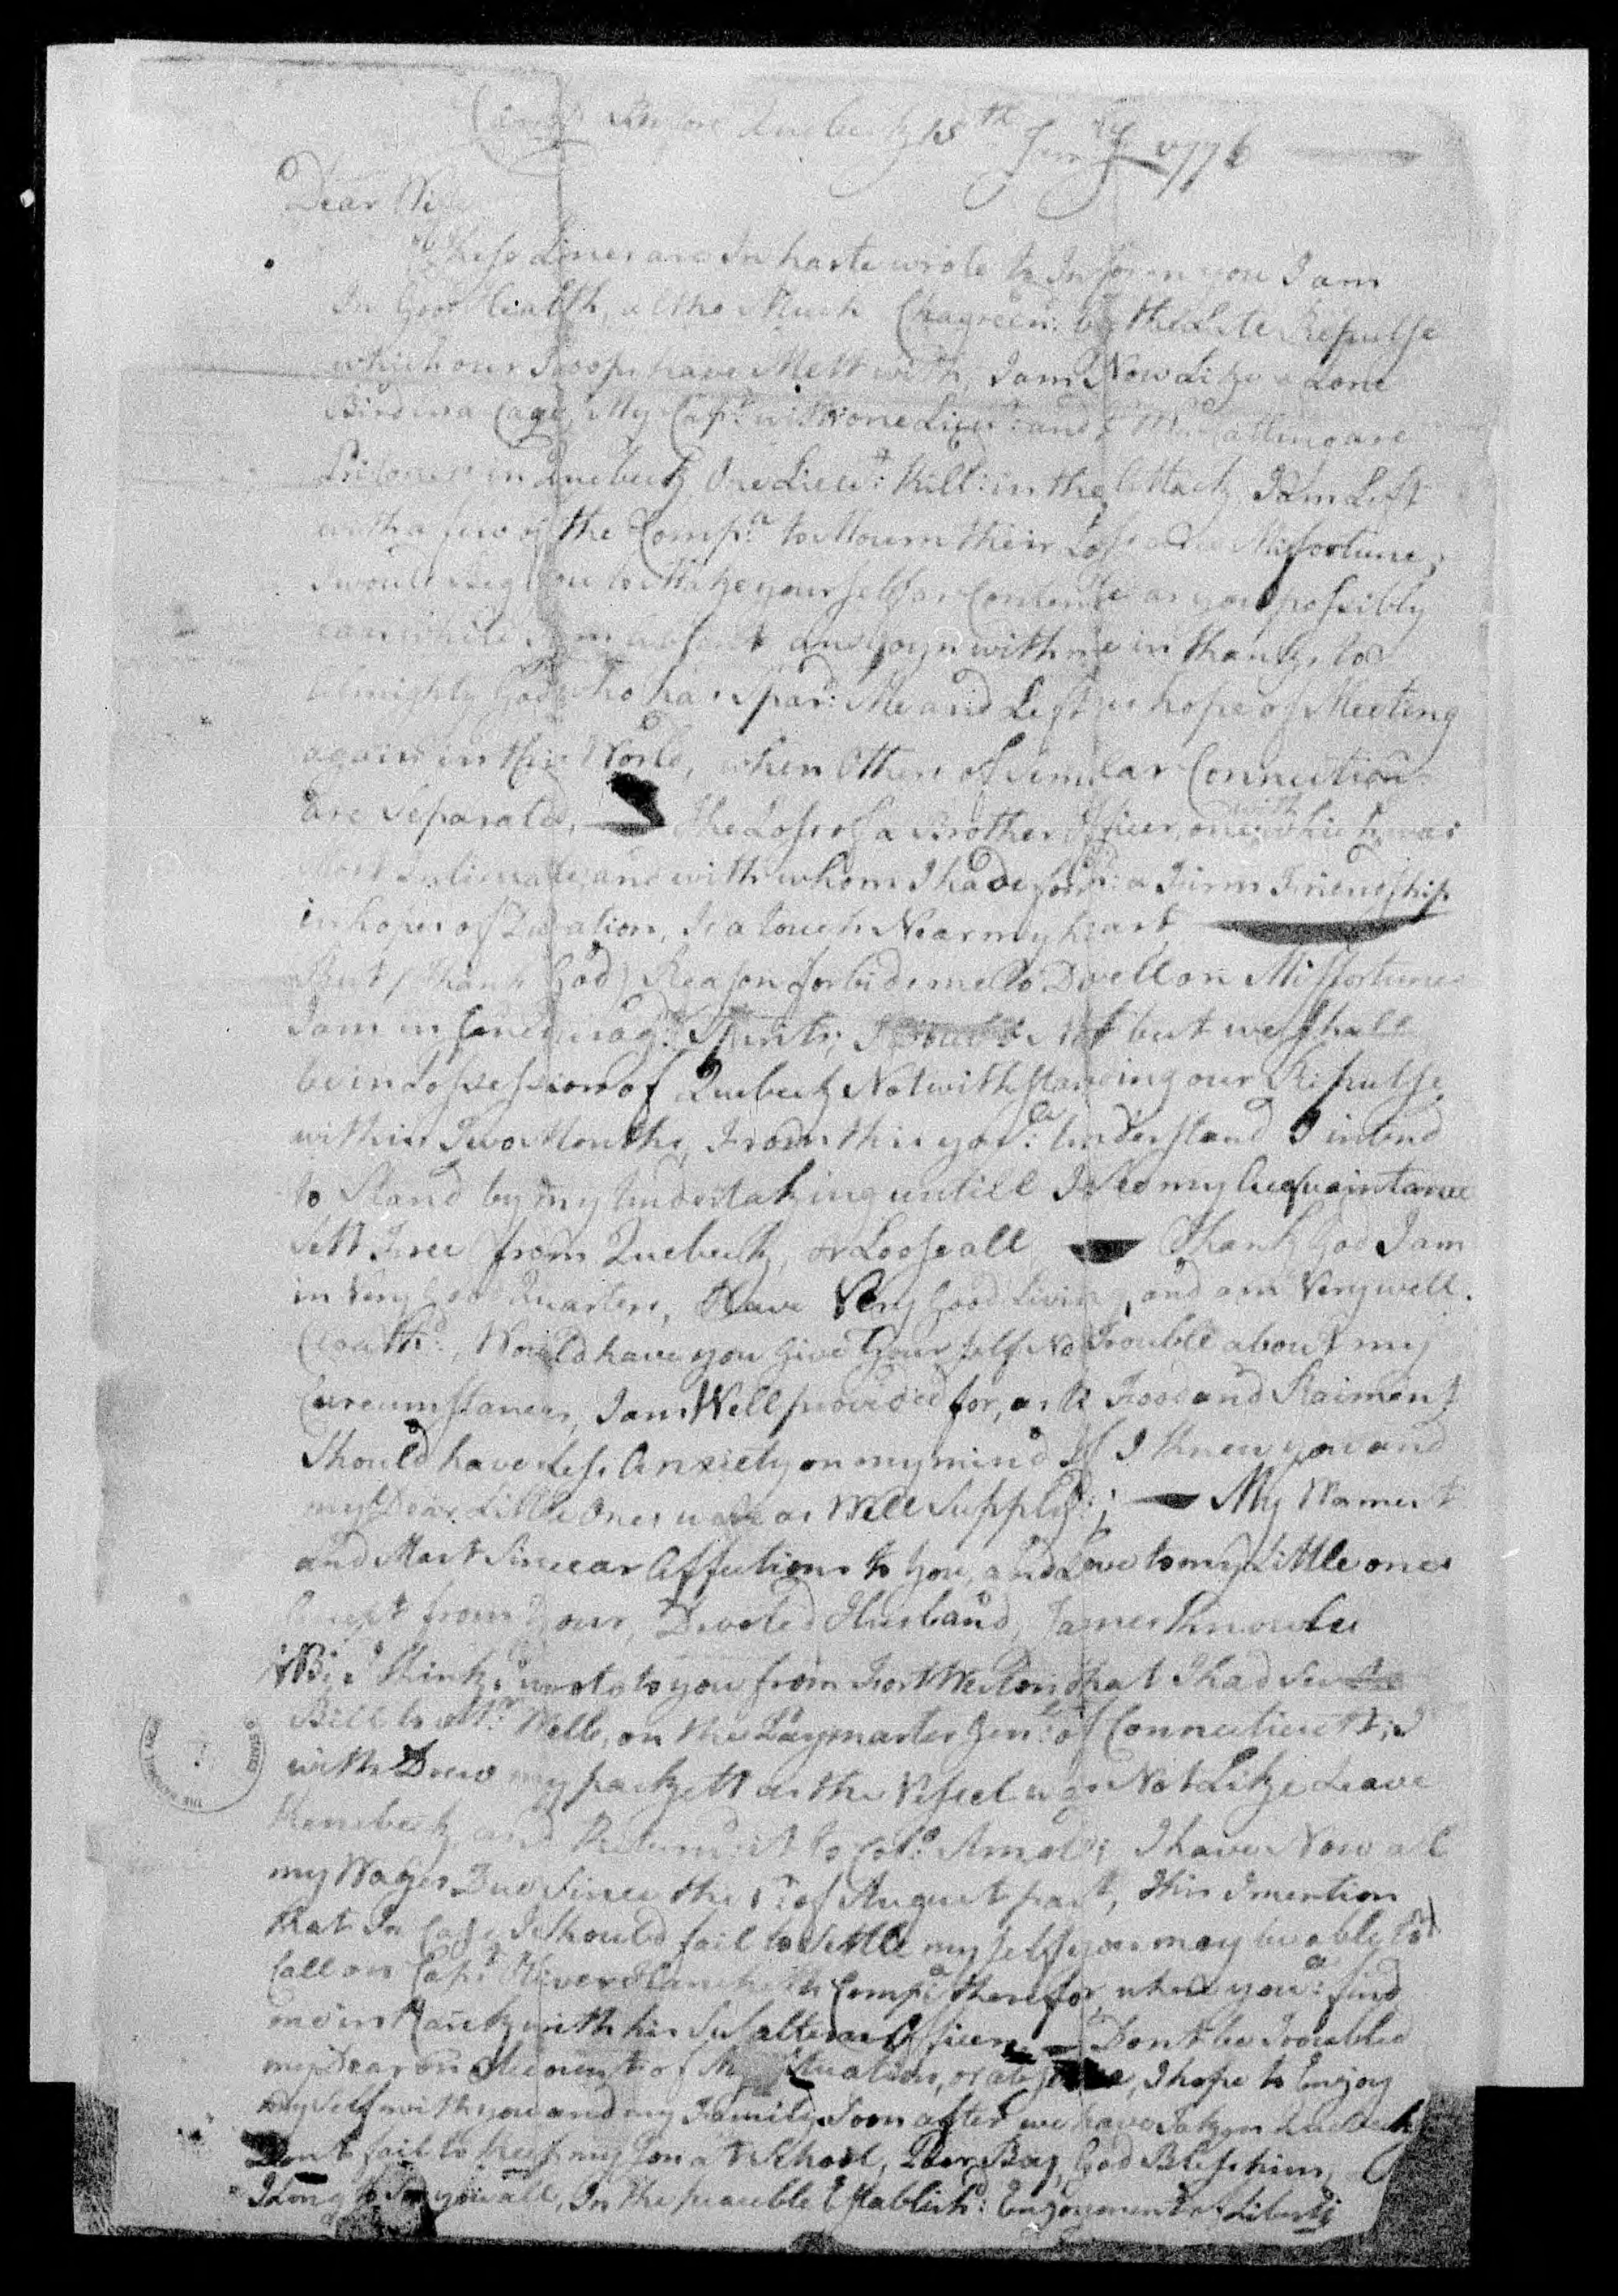( ............. indicates illegible word or words)

Camp..........15th Jan'y 1776
Dear Wife,
....Line and in haste wrote to Inform you I am in good health, altho Much Chagrinned by the Late Repulse which our Troops have Mett with, I am Now ........ done 
Bird in a Cage ....Capt. with one.... 
......One Lieut. Kilt in the Attack. I am Left
with a few of the Comp. ...their......Misfortune;
I would beg you to ....Make yourself as Content as you possibly can while you ..... join with me in thanks for Almighty God who has spared Me and Left us hope of Meeting again in this World when others of similar connection are Separated. The Loss of a Brother Officer and his ......
Most Intimate and with whom I had formed a Firm Friendship in hopes of ..........a touch Near my heart--
But I Thank God, Reason forbids me to Dwell on Misfortune
I am in ........Spirits....Not best we Shall 
be in possession of Quebec Notwithstanding out Repulse within Two Months. From this you.......and I intend
to Stand by my Undertaking untill I See my Acquaintance  (illegible name)Quebec city, or Loose all. Thank God I am
in Very good Quarters & have Very Good living, and and am Very well. 
(illegible word) Would have you give yourself No Trouble about my Circumstances, I am Well provided for, as to  Food and Raiment. Should have Less Anxiety on my mind If I knew you and my Dear Little Ones were as Well Supply'd  My Warmest and Most Sincere Affections to you and Love to my Little ones  Accept from your Devoted Husband, James Knowles
NB: I think I wrote to you from Fort Weston that I had sent a Bill to Mr. Wells, on the Paymaster Gen's of Connecticut; I withdrew my packets on the Vessel was Notarized Leave Kenebeck and Return it to Col. Arnold  I have Now all my Wages Due Since the 1st of August past, This I mention that in Case I should fail to Settle myself you may be able to Call on Cap. Haver (?)  Camp these for where you find me in .......with his .......  Don't be Troubled my Dear......of my situation ....... I hope to Enjoy myself with you and my family.  Soon  after we have Taken Quebec City. Don't fail to keep my .................Dear Boy God Bless him, I Long to See you all, In the.........Establish'd Enjoyment of Liberty.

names: Jame Knowles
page: 21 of 60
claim: widow's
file: W. 14,036, for James Knowles, Connecticut